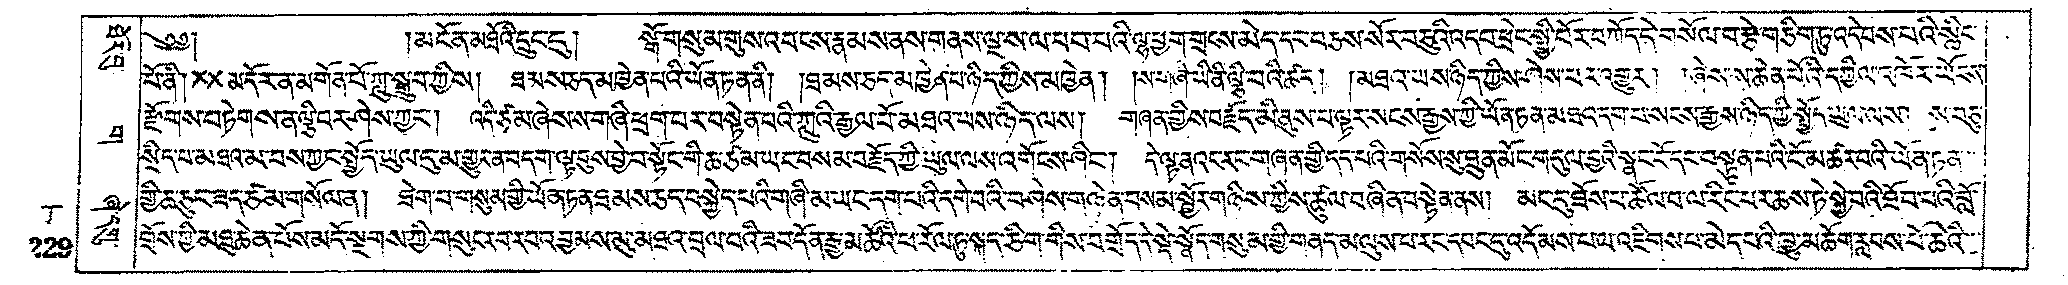༄༅། །མངོན་མཐོའི་དྲུང་དུ། སྒོ་གསུམ་གུས་འབངས་རྣམས་ནས་གནས་ལྔ་ས་ལ་ཕབ་པའི་ལྷ་ཕྱག་གྲངས་མེད་དང་བཅས་སོར་བཅུའི་འདབ་ཕྲེང་སྤྱི་བོར་བཀོད་དེ་གསོལ་བ་རྩེ་གཅིག་ཏུ་འདེབས་པའི་སྙིང་
པོ་ནི། ྾་྾་མདོར་ན་མགོན་པོ་ཀླུ་སྒྲུབ་ཀྱིས། ཐམས་ཅད་མཁྱེན་པའི་ཡོན་ཏན་ནི། །ཐམས་ཅད་མཁྱེན་པ་ཉིད་ཀྱིས་མཁྱེན། །ས་གཞི་ཡི་ནི་ལྕི་བའི་ཚད། །མཐའ་ཡས་ཉིད་ཀྱིས་ཤེས་པར་འགྱུར། །ཞེས་ས་ཆེན་པོའི་དཀྱིལ་འཁོར་ཡོངས་
རྫོགས་བཏེགས་ན་ལྕི་བར་ཤེས་ཀྱང་། འདི་ཙམ་ཞེས་ས་གཞི་ཕྲག་པར་བསྟེན་པའི་ཀླུའི་རྒྱལ་པོ་མཐའ་ཡས་ཉིད་ལས། གཞན་གྱིས་བརྗོད་མི་ནུས་པ་ལྟར་སངས་རྒྱས་ཀྱི་ཡོན་ཏན་མཐའ་དག་པ་སངས་རྒྱས་ཉིད་ཀྱི་སྤྱོད་ཡུལ་ལས། ས་བཅུ་
སྲིད་པ་མཐའ་མ་བས་ཀྱང་སྤྱོད་ཡུལ་དུ་མ་གྱུར་ན་བདག་ལྟ་བུས་བྱེ་བ་སྟོང་གི་ཆ་ཙམ་ཡང་བསམ་བརྗོད་ཀྱི་ཡུལ་ལས་འགོངས་ཤིང་། དེ་ལྟ་ནའང་རང་གཞན་གྱི་དད་པའི་གསོས་སུ་ཐུན་མོང་གདུལ་བྱའི་སྣང་ངོ་དང་བསྟུན་པའི་ངོ་མཚར་བའི་ཡོན་ཏན་་་
གྱི་ཆ་ཅུང་ཟད་ཙམ་གསོལ་ན། ཐེག་པ་གསུམ་གྱི་ཡོན་ཏན་ཐམས་བསྐྱེད་པའི་གཞི་མ་ཡང་དག་པའི་དགེ་བའི་བཤེས་གཉེན་བསམ་སྦྱོར་གཉིས་ཀྱིས་ཚུལ་བཞིན་བསྟེན་ནས། མང་དུ་ཐོས་པ་ཚོལ་བ་ལ་རིང་པར་ཆས་ཏེ་སྐྱེ་བའི་ཐོབ་པའི་བློ་
གྲོས་ཀྱི་མཐུ་ཆེན་པོས་མདོ་སྔགས་ཀྱི་གསུང་རབ་རབ་འབྱམས་མུ་མཐའ་བྲལ་བའི་ཟབ་དོན་རྒྱ་མཚོའི་ཕ་རོལ་ཏུ་སྐད་ཅིག་གིས་བགྲོད་དེ་སྡེ་སྣོད་གསུམ་གྱི་གནད་མ་ལུས་པ་རང་དབང་དུ་འདོམས་པ་ལ་འཇིགས་པ་མེད་པའི་ཁྱུ་མཆོག་རླབས་པོ་ཆེའི་་་